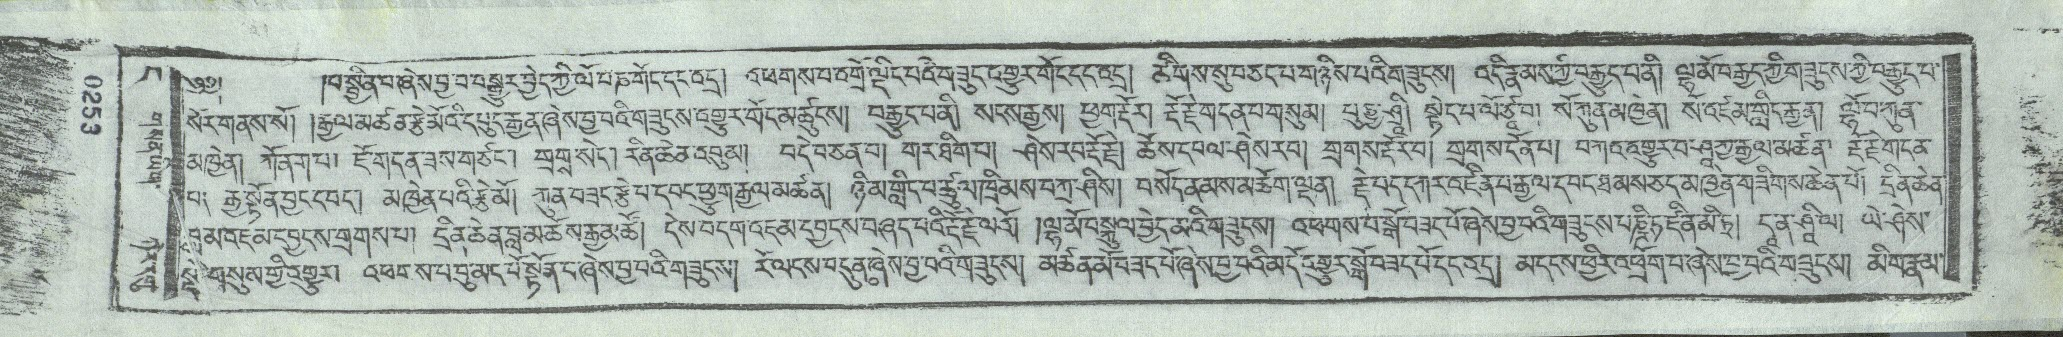༄༅། །བ་སྦྱིན་པ་ཞེས་བྱ་བ་བསྒྱུར་བྱེད་ཀྱི་ལོ་པཎ་གོང་དང་འདྲ། འཕགས་པ་འགྲོ་ལྡིང་བའི་གཟུང་འགྱུར་གོང་དང་འདྲ། ཚིགས་སུ་བཅད་པ་གཉིས་པའི་གཟུངས། འདི་རྣམས་ཀྱི་བརྒྱུད་པ་ནི། ལྷ་མོ་བརྒྱད་ཀྱི་གཟུངས་ཀྱི་བརྒྱུད་པ་
སོར་གནས་སོ། །རྒྱལ་མཚན་རྩེ་མོའི་དཔུང་རྒྱན་ཞེས་བྱ་བའི་གཟུངས་འགྱུར་གོང་མཚུངས། བརྒྱུད་པ་ནི། སངས་རྒྱས། ཕྱག་རྡོར། རྡོ་རྗེ་གདན་པ་གསུམ། པུཎྱ་ཤྲཱི། སྟེང་པ་ལོ་ཙཱ་བ། སོ་ཀུན་མཁྱེན། སོ་འཛམ་གླིང་རྒྱན། ལྷོ་པ་ཀུན་
མཁྱེན། ཁོན་ག་བ། ཇོ་གདན་ཟས་གཙང་། གྲགས་སེང་། རིན་ཆེན་འབུམ། བདེ་བ་ཅན་པ། གང་ཐིག་པ། ཤེས་རབ་རྡོ་རྗེ། ཆོས་དཔལ་ཤེས་རབ། གྲགས་རྡོར་བ། གྲགས་དོན་པ། བཀའ་འགྱུར་བ་ཤཱཀྱ་རྒྱལ་མཚན། རྡོ་རྗེ་གདན་
བ༑ རྒྱ་སྟོན་བྱང་དབང་། མཁྱེན་པའི་རྩེ་མོ། ཀུན་བཟང་རྩེ་བ་དབང་ཕྱུག་རྒྱལ་མཚན། ཉི་མ་གླིང་པ་ཚུལ་ཁྲིམས་བཀྲ་ཤིས། བསོད་ནམས་མཆོག་ལྡན། རྗེ་པད་དཀར་འཛིན་པ་རྒྱལ་དབང་ཐམས་ཅད་མཁྱེན་གཟིགས་ཆེན་པོ། དྲིན་ཆེན་
བླ་མ་འཇམ་དབྱངས་གྲགས་པ། དྲིན་ཆེན་བླ་མ་ཆོས་རྒྱ་མཚོ། དེས་བདག་འཇམ་དབྱངས་བཞད་པའི་རྡོ་རྗེ་ལའོ། །ལྷ་མོ་བསྐུལ་བྱེད་མའི་གཟུངས། འཕགས་པ་སྒོ་བཟང་པོ་ཞེས་བྱ་བའི་གཟུངས་པཎྜི་ཏ་ཛིན་མི་ཏྲ། དཱ་ན་ཤཱི་ལ། ཡེ་ཤེས་
སྡེ་གསུམ་གྱི་འགྱུར། འཕགས་བ་བུ་མང་པོ་སྟོན་བཞེས་བྱ་བའི་གཟུངས། རོ་ལངས་བདུན་ཞེས་བྱ་བའི་གཟུངས། མཚན་མོ་བཟང་པོ་ཞེས་བྱ་བའི་མདོ་འགྱུར་སྒོ་བཟང་པོ་དང་འདྲ། མདངས་ཕྱིར་འཕྲོག་པ་ཞེས་བྱ་བའི་གཟུངས། མིག་རྣམ་